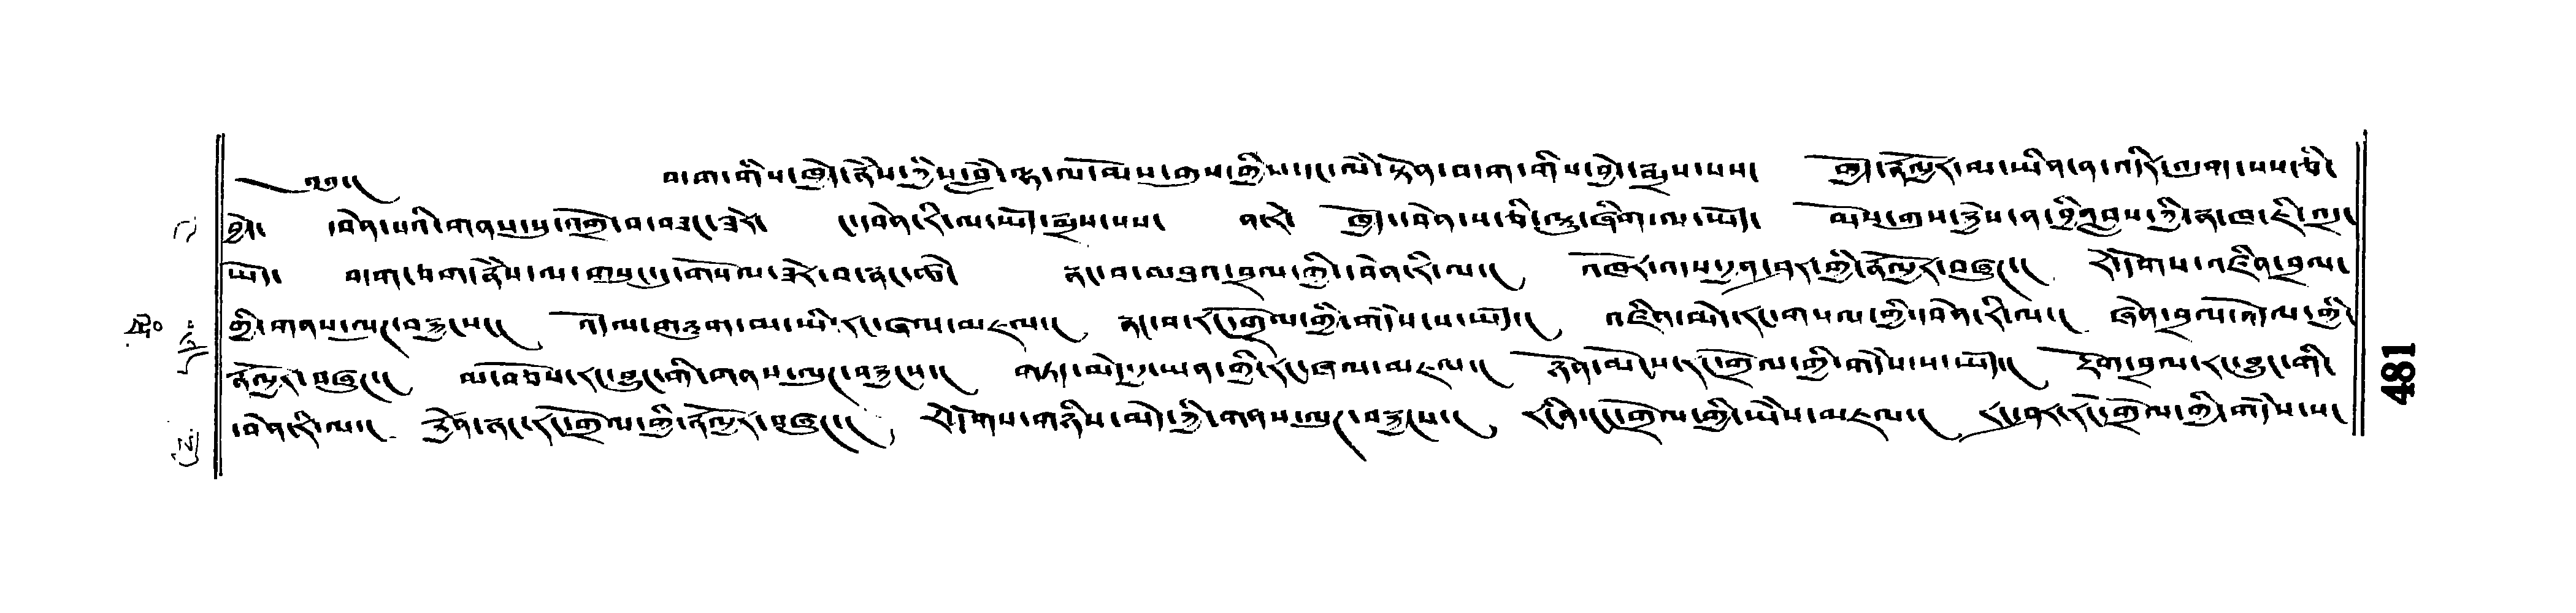བདག་གིས་ཁྱེད་རྣམས་ཀྱིས་བླ་མ་ལྷ་ལ་མོས་གུས་གྱིས་ལམ་སྟོན་བདག་གིས་བྱེད་སྨྲས་པས། ཁྱོད་རྣལ་འབྱོར་མ་ཡིན་ན་འདིར་འདུག་པས་ཅི་
བྱེད། དབེན་པའི་གནས་སུ་འགྲོ་བ་བཟང་ཟེར། ང་དབེན་རི་ལ་ཡོད་སྨྲས་པས། ན་རེ། ཁྱོད་དབེན་པ་ཅི་ལྟ་བུ་ཞིག་ལ་ཡོད། མོས་གུས་སྐྱེས་ན་བྱིན་རླབས་ཀྱི་སྣ་ཁ་ཇི་འདྲ་
ཡོད། བདག་ཅག་རྣམས་ལ་གསུང་དུ་གསོལ་ཟེར་བ་སྣང་ཚེ། སྣང་བ་མཐའ་བྲལ་གྱི་དབེན་རི་ལ། །འཁོར་འདས་རྒྱན་ཤར་གྱི་རྣལ་འབྱོར་བཞུགས། །རེ་དོགས་འཛིན་བྲལ་
གྱི་གནས་ལུགས་བསྐྱངས། །འོད་གསལ་གཉུག་མ་ཡི་རང་ཞལ་མཇལ། །སྣང་བ་རང་གྲོལ་གྱི་གདམས་པ་ཡོད། །འཛིན་མེད་རང་གསལ་གྱི་དབེན་རི་ལ། །ཞེན་བྲལ་འོད་གསལ་གྱི་
རྣལ་འབྱོར་བཞུགས། །མ་བཅོས་རང་བྱུང་གི་གནས་ལུགས་བསྐྱངས། །གཏད་མེད་རྒྱ་ཡན་གྱི་རང་ཞལ་མཇལ། །ཉོན་མོངས་རང་གྲོལ་གྱི་གདམས་པ་ཡོད། །རྟོག་བྲལ་རང་བྱུང་གི་
དབེན་རི་ལ། །རྐྱེན་སྣང་རང་གྲོལ་གྱི་རྣལ་འབྱོར་བཞུགས། །རེ་དོགས་གཉིས་མེད་ཀྱི་གནས་ལུགས་བསྐྱངས། །རང་བཞིན་ངང་གྲོལ་གྱི་ཡེ་ཤེས་མཇལ། །རང་ཤར་རང་གྲོལ་གྱི་གདམས་པ་